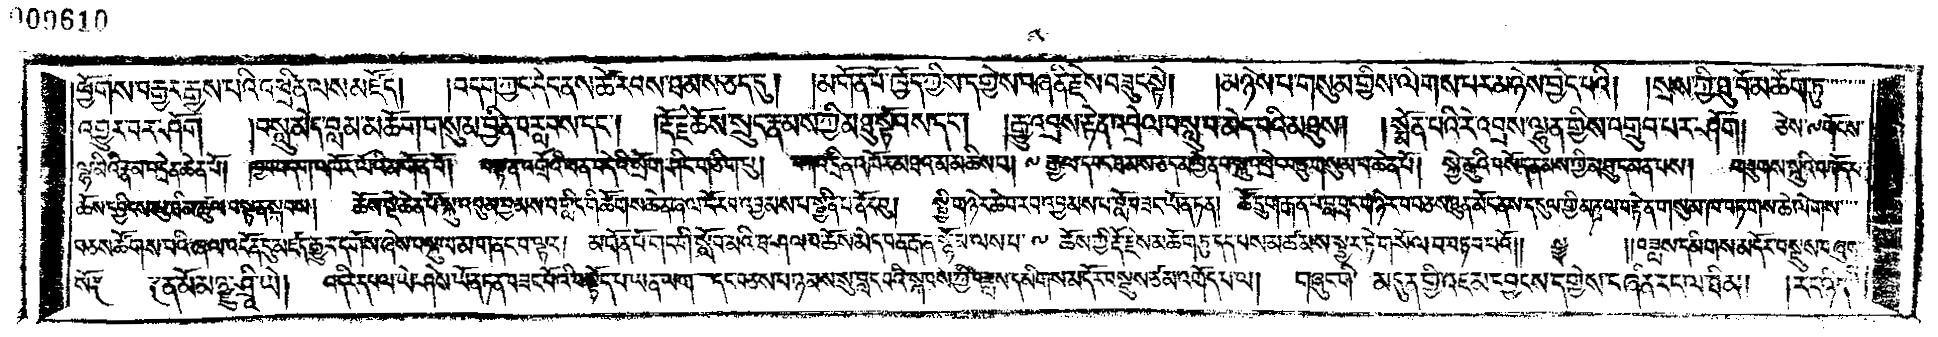ཕྱོགས་བརྒྱར་རྒྱས་པའི་འཕྲིན་ལས་མཛོད། །བདག་ཀྱང་དེང་ནས་ཚེ་རབས་ཐམས་ཅད་དུ། །མགོན་པོ་ཁྱོད་ཀྱིས་དགྱེས་བཞིན་རྗེས་བཟུང་སྟེ། །མཉེས་པ་གསུམ་གྱིས་ལེགས་པར་མཉེས་བྱེད་པའི། །སྲས་ཀྱི་ཐུ་བོ་མཆོག་ཏུ་
འགྱུར་བར་ཤོག །བསླུ་མེད་བླ་མ་མཆོག་གསུམ་བྱིན་བརླབས་དང་། །རྡོ་རྗེ་ཆོས་སྲུང་རྣམས་ཀྱི་མཐུ་སྟོབས་དང་། །རྒྱུ་འབྲས་རྟེན་འབྲེལ་བསླུ་བ་མེད་པའི་མཐུས། །སྨོན་པའི་རི་འབྲས་ལྷུན་གྱིས་འགྲུབ་པར་ཤོག །ཅེས་༧གོང་ས་
ལྷ་མིའི་རྣམ་འདྲེན་ཆེན་པོ། ཁྱབ་བདག་འཁོར་ལོའི་མགོན་པོ། བསྟན་འགྲོའི་ཕན་བདེའི་སྲོག་ཤིང་གཅིག་པུ། བཀའ་དྲིན་འཁོར་མཐའ་མ་མཆིས་པ། ༧་རྒྱལ་དབང་ཐམས་ཅད་མཁྱེན་པ་སྐུ་འཕྲེང་བཅུ་གསུམ་པ་ཆེན་པོ། སྐྱེ་རྒུའི་བསོད་ནམས་ཀྱི་མཐུ་དམན་པས། གཟུགས་སྐུའི་བཀོད་པ་
ཆོས་དབྱིངས་སུ་ཐིམ་ཚུལ་བསྟན་སྐབས། ཆོས་སྡེ་ཆེན་པོ་སྐུ་འབུམ་བྱམས་པ་གླིང་གི་ཚོགས་ཆེན་ཞལ་ངོ་རབ་འབྱམས་པ་སྦྱིན་པ་ནོར་བུ། སྤྱི་གཉེར་ཆེ་བ་རབ་འབྱམས་པ་བློ་བཟང་ཡོན་ཏན། ཚོ་དྲུག་རྒན་པ་བླ་བྲང་གཉེར་བ་བཅས་ཐུན་མོང་ནས་དངུལ་གྱི་མཎྜལ་བརྟེན་གསུམ་ཁ་བཏགས་ཆེ་ལེགས་
བཅས་ཚོགས་པའི་ཞལ་འདོན་དུ་མཛད་རྒྱུར་དགོས་ཞེས་བསྐུལ་མ་གནང་བ་ལྟར། མགོན་པོ་གང་གི་སློབ་མའི་ཐ་ཤལ་བ་ཆོས་མེད་བན་རྒན་སྙོམ་ལས་པ་༧་ཆོས་ཀྱི་རྡོ་རྗེས་མཆོག་ཏུ་དད་པས་མཚམས་སྦྱར་ཏེ་གསོལ་བ་བཏབ་པའོ།། ༈ །།བཟླས་དམིགས་མདོར་བསྡུས་བཞུགས་
སོ། །ན་མོ་མཉྫུ་ཤྲཱི་ཡེ། འདིར་དཔལ་ཡེ་ཤེས་ཡོན་ཏན་བཟང་པོའི་བསྟོད་པ་ཡན་ལག་དང་བཅས་པ་ཉམས་སུ་བླང་པའི་སྐབས་ཀྱི་བཟླས་དམིགས་མདོར་བསྡུས་ཙམ་འགོད་པ་ལ། གཞུང་གི་མདུན་གྱི་འཇམ་དབྱངས་དགྱེས་བཞིན་རང་ལ་ཐིམ། །རང་ཉིད་